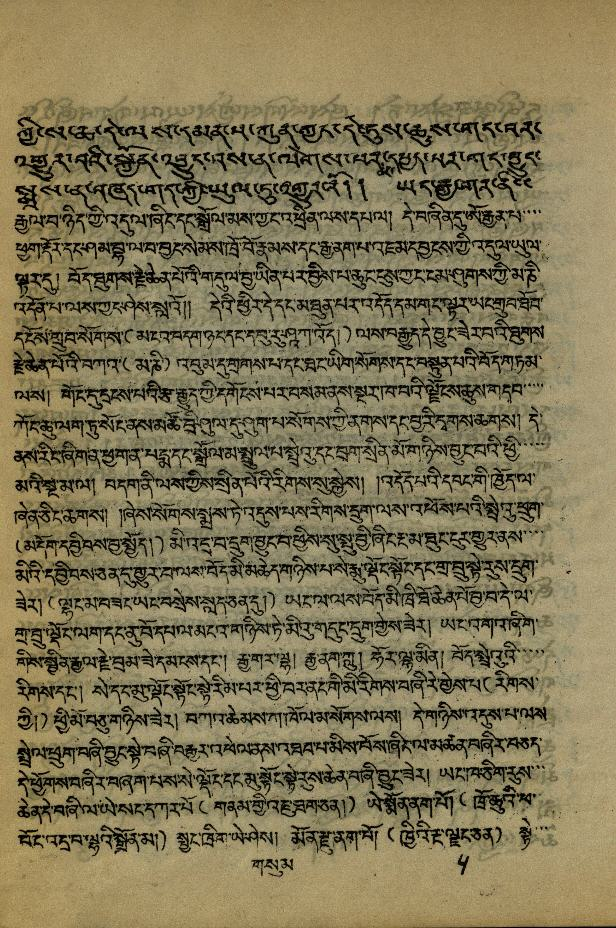ཀྱི་ས་ཆ་དེ་ལས་དམན་པ་ཀུན་ཀྱང་དེ་དུས་ཆུས་གང་བར་
འགྱུར་བའི་སྐྱོན་འབྱུང་བས་ན་ལེགས་པར་མ་དཔྱད་པར་གང་བྱུང་
སྨྲས་ན་བཞད་གད་ཀྱི་ཡུལ་ཏུ་འགྱུར་རོ། ། ཡང་རྒྱ་གར་ནི་
རྒྱལ་བ་ཉིད་ཀྱི་འདུལ་ཞིང་དང་སྒྲོལ་མས་ཀྱང་འཕྲིན་ལས་དཔལ། དེ་བཞིན་དུ་ཨོ་རྒྱན་པ་
ཕྱག་རྡོར་དང་ཤམ་བྷ་ལ་བ་བྱང་སེམས་ཁྲོ་བོ་རྣམས་དང་རྒྱ་ནག་པ་འཇམ་དབྱངས་ཀྱི་འདུལ་ཡུལ་
ལྟར་དུ། བོད་ཐུགས་རྗེ་ཆེན་པོའི་གདུལ་བྱ་ཡིན་པར་བྱིས་པ་ཆུང་དུས་ཀྱང་ངམ་ཤུགས་ཀྱི་མ་ཎི་
འདོན་པ་ལས་ཀྱང་ཤེས་སླའོ། །དེའི་ཕྱིར་དེ་དང་མཐུན་པར་འདོད་དམ་གང་ལྟར་ཡང་གྲུབ་ཐོབ་
དངོས་གྲུབ་སོགས་མངའ་བདག་ཉང་དང་དབུ་རུ་ཤཱ་ཀ་འོད།  ལས་བརྒྱུད་དེ་བྱུང་ཟེར་བའི་ཐུགས་
རྗེ་ཆེན་པོའི་བཀའ་མ་ཎི་འབུམ་དུ་གྲགས་པ་དང་ཐང་ཡིག་སོགས་དང་བསྟུན་པའི་བོད་གཏམ་
ལས། གོང་དུ་དྲངས་པའི་རྩ་རྒྱུད་ཀྱི་དགོང་སྤར་བསམ་ནས་སྔར་ཁ་བའི་ལྗོངས་ཆུས་གདབ་
ཀོང་ཆུ་ལག་ཏུ་སོང་ནས་མཚོ་བྲི་ཤུལ་དུ་ཤུག་པ་སོགས་ཀྱི་ནགས་དང་བྱ་རི་དྭགས་ཆགས། དེ་
ནས་རིང་ཞིག་ན་ཕྱག་ན་པདམ་དང་སྒྲོལ་མ་སྤྲུལ་པ་སྤྲེའུ་དང་བྲག་སྲིན་མོ་གཉིས་བྱུང་བའི་ཕྱི་
མའི་སྔ་མ་ལ། བདག་ནི་ལས་ཀྱིས་སྲིན་པོའི་རིགས་སུ་སྐྱེས། །འདོད་པའི་དབང་གི་ཁྱོད་ལ་
ཞེན་ཅིང་ཆགས། །ཞེས་སོགས་སྨྲས་ཏེ་འདུས་པས་རིགས་དྲུག་ལས་འཕོས་པའི་སྤྲེའུ་ཕྲུག་
མདོག་དབྱིབས་བྱ་སྤྱོད།  མི་འདྲ་བ་དྲུག་བྱུང་བ་ཕྱིས་སུ་སྤུ་བྱི་ཞིང་རྔ་མ་ཐུང་ངུར་གྱུར་ནས་
མིའི་དབྱིབས་ཅན་དུ་གྱུར་བ་ལས་བོད་མི་མཆེད་གཉིས་པ་སེ་རྨུ་ལྡོང་སྟོང་དང་གྲ་བུ་སྟེ་རུས་དྲུག་
ཟེར། ལྷང་མ་བཟང་ཡང་བསྲེས་སླད་ཅན་དུ།  ཡང་ལ་ལས་བོད་མི་ཁྲི་ཐོ་ཆེན་པོ་བྱ་བ་དེ་ལ་
གྲ་བྲུ་ལྡོང་ལག་དང་ནུ་བོ་དཔལ་མངའ་གཉིས་ཏེ་མིའུ་གདུང་དྲུག་གྱེས་ཟེར། ཡང་འགའ་ཞིག་
གིས་སྦྱིན་རྒྱལ་རྗེ་བྲམ་ཟེ་དམངས་དང་། རྒྱ་གར་ལྷ། རྒྱ་ནག་ཀླུ། ཧོར་ལྷ་མིན། བོད་སྤྲེའུའི་
རིགས་དང་། སེ་དང་མུ་ལྡོང་སྟོང་སྟེ་རིམ་པར་ཕྱི་བར་ནང་གི་མི་རིགས་བཞི་རེ་གྱེས་པ་རིགས་
ཀྱི། ཕྱི་མོ་བཅུ་གཉིས་ཟེར། བཀའ་ཆེམས་ཀ་ཁོལ་མ་སོགས་ལས། དེ་གཉིས་འདུས་པ་ལས་
སྤྲེལ་ཕྲུག་བཞི་བྱུང་སྟེ་བཞི་བརྒྱར་འཕེལ་ནས་འཐབ་པ་མིས་ས་བོས་ཞིང་ལ་མཚན་བཞིར་བཅད་
དེ་ཕྱོགས་བཞིར་བཞག་པས་སེ་ལྡོང་ངང་མུ་སྟོང་སྟེ་རུས་ཆེན་བཞི་བྱུང་ཟེར། ཡང་ཁ་ཅིག་རུས་
ཆེན་དེ་བཞི་ལ་ཡེ་སང་དཀར་པོ། གནམ་གྱི་འཇུ་ཐག་ཅན།  ཡེ་སྨོན་ནག་པོ། ཁྲོ་ཆུའི་ཕ་
བོང་འདྲ་བ་ལྷའི་སྒྲོན་མ། སྤྱང་ཁྲིག་ཡེ་ཤེས། མོན་རྫུ་ནག་པོ། ཁྱིའི་རྔ་ལྗང་ཅན་སྟེ་